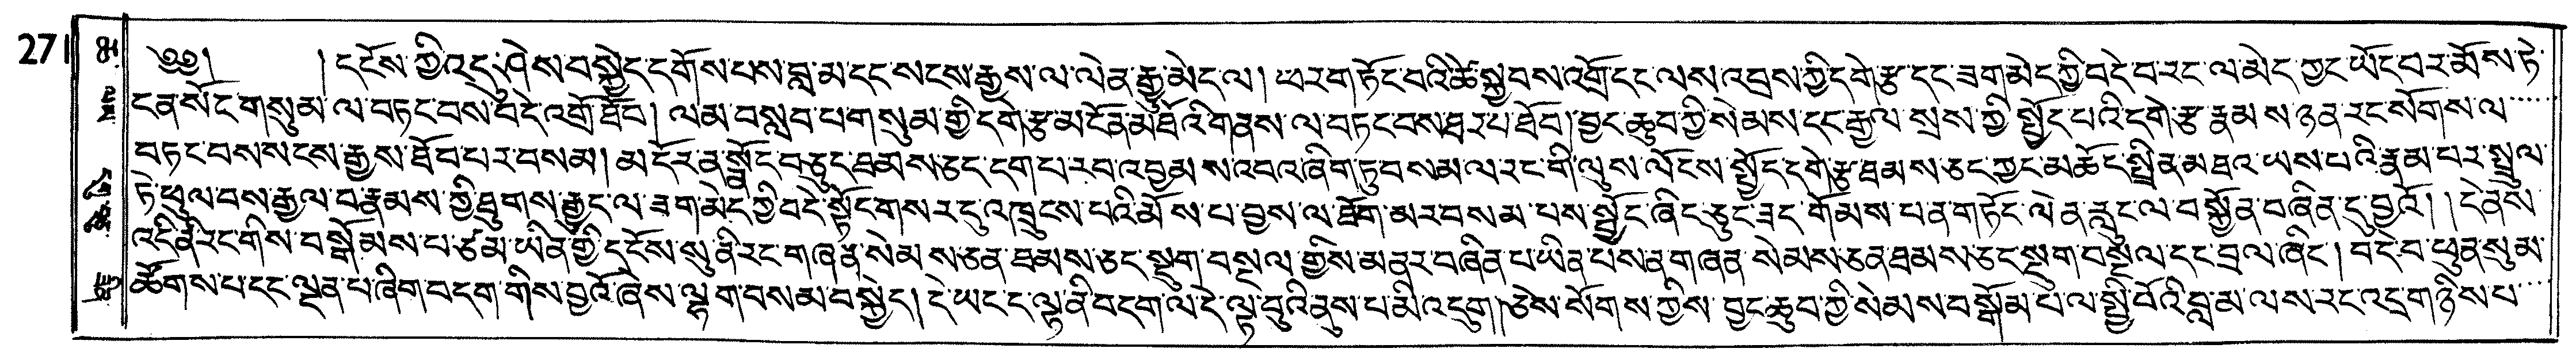༄༅། །དངོས་ཀྱི་འདུ་ཤེས་བསྐྱེད་དགོས་པས་བླ་མ་དང་སངས་རྒྱས་ལ་ལེན་རྒྱུ་མེད་ལ། ཕར་གཏོང་བའི་ཚེ་སྐྱབས་འགྲོ་དྣག་ལས་འབྲས་ཀྱི་དགེ་རྩ་དང་ཟག་མེད་ཀྱི་བདེ་བ་རང་ལ་མེད་ཀྱང་ཡོད་བར་མོས་ཏེ་
ངན་སོང་གསུམ་ལ་བཏང་བས་བདེ་འགྲོ་ཐོབ། ལམ་བསླབ་པ་གསུམ་གྱི་དགེ་རྩ་མངོན་མཐོའི་གནས་ལ་བཏང་བས་ཐར་པ་ཐོབ། བྱང་ཆུབ་ཀྱི་སེམས་དང་རྒྱལ་སྲས་ཀྱི་སྤྱོད་པའི་དགེ་རྩ་རྣམས་ཉན་རང་སོགས་ལ་
བཏང་བས་སངས་རྒྱས་ཐོབ་པར་བསམ། མདོར་ན་སྣོད་བཅུད་ཐམས་ཅད་དག་པ་རབ་འབྱམས་འབའ་ཞིག་ཏུ་བསམ་ལ་རང་གི་ལུས་ལོངས་སྤྱོད་དགེ་རྩ་ཐམས་ཅད་ཀྱང་མཆོད་སྤྲིན་མཐའ་ཡས་པའི་རྣམ་པར་སྤྲུལ་
ཏེ་ཕུལ་བས་རྒྱལ་བ་རྣམས་ཀྱི་ཐུགས་རྒྱུད་ལ་ཟག་མེད་ཀྱི་བདེ་སྟོང་གསར་དུ་འཁྲུངས་པའི་མོས་པ་བྱས་ལ་ཐོག་མར་བསམ་པས་སྦྱོང་ཞིང་ཅུང་ཟད་གོམས་པ་ན་གཏོང་ལེན་རླུང་ལ་བསྐྱོན་བཞིན་དུ་བྱའོ། །དེ་ནས་
འདི་ནི་རང་གིས་བསྒོམས་པ་ཙམ་ཡིན་གྱི་དངོས་སུ་ནི་རང་གཞན་སེམས་ཅན་ཐམས་ཅད་སྡུག་བསྔལ་གྱིས་མནར་བཞིན་པ་ཡིན་པས་ན་གཞན་སེམས་ཅན་ཐམས་ཅད་སྡུག་བསྔལ་དང་བྲལ་ཞིང་། བདེ་བ་ཕུན་སུམ་
ཚོགས་པ་དང་ལྡན་པ་ཞིག་བདག་གིས་བྱའོ་ཞེས་ལྷག་བསམ་བསྐྱེད། དེ་ཡང་ད་ལྟ་ནི་བདག་ལ་དེ་ལྟ་བུའི་ནུས་པ་མི་འདུག །ཅེས་སོགས་ཀྱིས་བྱང་ཆུབ་ཀྱི་སེམས་བསྒོམ་པ་ལ་སྤྱི་བོའི་བླ་མ་ལས་རང་འདྲ་གཉིས་པ་